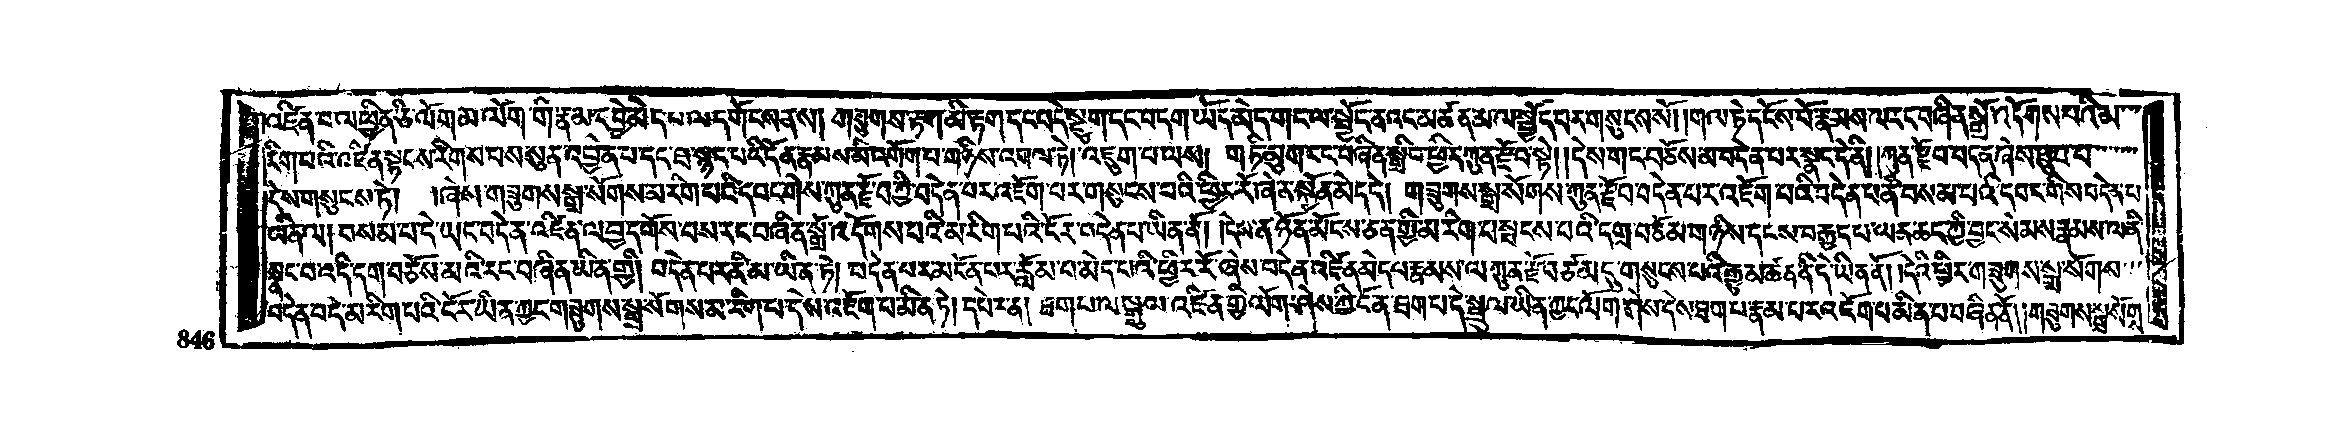འཛིན་པ་ལ་ཕྱིན་ཅི་ལོག་མ་ལོག་གི་རྣམ་དབྱེ་མེད་པ་ལ་དགོངས་ནས། གཟུགས་རྟག་མི་རྟག་དང་བདེ་སྡུག་དང་བདག་ཡོད་མེད་གང་ལ་སྤྱོད་ནའང་མཚན་མ་ལ་སྤྱོད་པར་གསུངས་སོ། །གལ་ཏེ་དངོས་པོ་རྣམས་ལ་རང་བཞིན་སྒྲོ་འདོགས་པའི་མ་
རིག་པའི་འཛིན་སྟངས་རིགས་པས་སུན་འབྱིན་པ་དང་ཐ་སྙད་པའི་དོན་རྣམས་མི་འགོག་པ་གཉིས་འགལ་ཏེ། འཇུག་པ་ལས། གཏི་མུག་རང་བཞིན་སྒྲིབ་ཕྱིར་ཀུན་རྫོབ་སྟེ། །དེས་གང་བཅོས་མ་བདེན་པར་སྣང་དེ་ནི། །ཀུན་རྫོབ་བདེན་ཞེས་ཐུབ་པ་
དེས་གསུངས་ཏེ། །ཞེས་གཟུགས་སྒྲ་སོགས་མ་རིག་པའི་དབང་གིས་ཀུན་རྫོབ་ཀྱི་བདེན་པར་འཇོག་པར་གསུངས་པའི་ཕྱིར་རོ་ཞེ་ན་སྐྱོན་མེད་དེ། གཟུགས་སྒྲ་སོགས་ཀུན་རྫོབ་བདེན་པར་འཇོག་པའི་བདེན་པ་ནི་བསམ་པའི་དབང་གིས་བདེན་པ་
ཡིན་ལ། བསམ་པ་དེ་ཡང་བདེན་འཛིན་ལ་བྱ་དགོས་པས་རང་བཞིན་སྒྲོ་འདོགས་པའི་མ་རིག་པའི་ངོར་བདེན་པ་ཡིན་ནོ། །དེས་ན་ཉོན་མོངས་ཅན་གྱི་མ་རིག་པ་སྤངས་པའི་དགྲ་བཅོམ་གཉིས་དང་ས་བརྒྱད་པ་ཡན་ཆད་ཀྱི་བྱང་སེམས་རྣམས་ལ་ནི་
སྣང་བ་འདི་དག་བཅོས་མའི་རང་བཞིན་ཡིན་གྱི། བདེན་པར་ནི་མ་ཡིན་ཏེ། བདེན་པར་མངོན་པར་རློམ་པ་མེད་པའི་ཕྱིར་རོ་ཞེས་བདེན་འཛིན་མེད་པ་རྣམས་ལ་ཀུན་རྫོབ་ཙམ་དུ་གསུངས་པའི་རྒྱུ་མཚན་ནི་དེ་ཡིན་ནོ། །དེའི་ཕྱིར་གཟུགས་སྒྲ་སོགས་
བདེན་པ་དེ་མ་རིག་པའི་ངོར་ཡིན་ཀྱང་གཟུགས་སྒྲ་སོགས་མ་རིག་པ་དེས་འཇོག་པ་མིན་ཏེ། དཔེར་ན། ཐག་པ་ལ་སྦྲུལ་འཛིན་གྱི་ལོག་ཤེས་ཀྱི་ངོ་ན་ཐག་པ་དེ་སྦྲུལ་ཡིན་ཀྱང་ལོག་ཤེས་དེས་ཐག་པ་རྣམ་པར་འཇོག་པ་མིན་པ་བཞིན་ནོ། །གཟུགས་སྒྲ་སོགས་